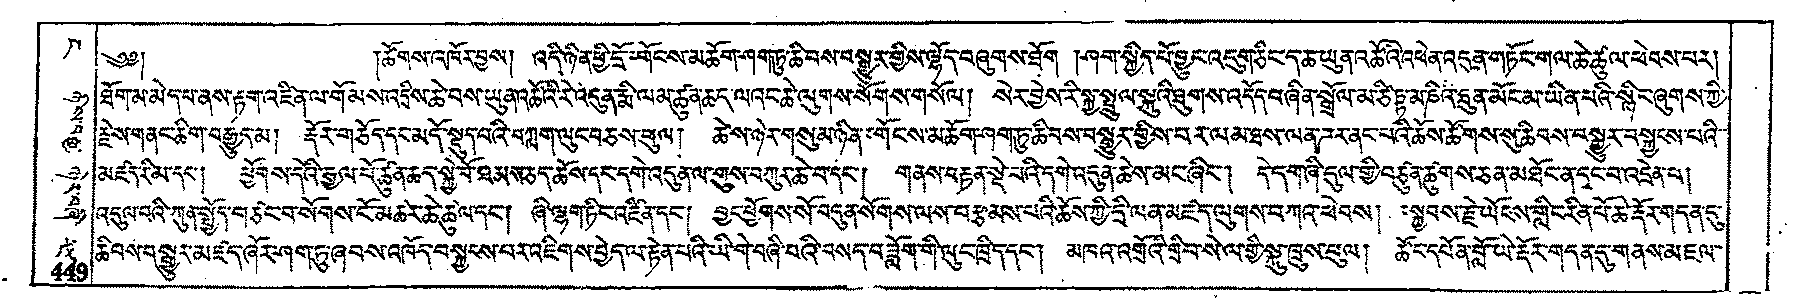༄༅། །ཚོགས་འཁོར་བྱས། འདི་ཉིན་ཕྱི་དྲོ་༧གོང་ས་མཆོག་ཤག་ཏུ་ཆིབས་བསྒྱུར་གྱིས་ལྷོད་བཞུགས་ཐོག །ཤག་སྐྱིད་པོ་བྱུང་འདུག་ཅིང་ད་ཆ་ཡུན་འཚོའི་འཕེན་འདུན་གཏོང་གལ་ཆེ་ཚུལ་ཕེབས་པར།
ཐོག་མ་མེད་པ་ནས་རྟག་འཛིན་ལ་གོམས་འདྲིས་ཆེ་བས་ཡུན་འཚོའི་རེ་འདུན་རྨི་ལམ་ཚུན་ཆད་ལའང་ཆེ་ལུགས་སོགས་གསོལ། སེར་བྱེས་རི་སྐྱ་སྤྲུལ་སྐུའི་ཐུགས་འདོད་བཞིན་སྒྲོལ་མ་ཙིཏྟ་མ་ཎིའི་ཐུན་མོང་མ་ཡིན་པའི་སྙིང་ཞུགས་ཀྱི་
རྗེས་གནང་ཆིག་བརྒྱུད་མ། རྡོར་གཅོད་དང་མདོ་སྡུད་པའི་བཀླག་ལུང་བཅས་ཕུལ། ཚེས་ཉེར་གསུམ་ཉིན་༧གོང་ས་མཆོག་ཤག་ཏུ་ཆིབས་བསྒྱུར་གྱིས་བར་ལམ་ཐས་ལན་ཌར་ནང་པའི་ཆོས་ཚོགས་སུ་ཆིབས་བསྒྱུར་བསྐྱངས་པའི་
མཛད་རིམ་དང་། ཕྱོགས་དེའི་རྒྱལ་པོ་ཚུན་ཆད་སྐྱེ་བོ་ཐམས་ཅད་ཆོས་དང་དགེ་འདུན་ལ་གུས་བཀུར་ཆེ་བ་དང་། གནས་བརྟན་སྡེ་པའི་དགེ་འདུན་ཆེས་མང་ཞིང་། དེ་དག་ཞི་དུལ་གྱི་བཙུན་ཚུགས་ཅན་མཐོང་ན་དྭང་བ་འདྲེན་པ།
འདུལ་བའི་ཀུན་སྤྱོད་གཙང་བ་སོགས་ངོ་མཚར་ཆེ་ཚུལ་དང་། ཞི་ལྷག་ཏིང་འཛིན་དང་། བྱང་ཕྱོགས་སོ་བདུན་སོགས་ལས་བརྩམས་པའི་ཆོས་ཀྱི་དྲི་ལན་མཛད་ལུགས་བཀའ་ཕེབས། ༧སྐྱབས་རྗེ་ཡོངས་གླིང་རིན་པོ་ཆེ་རྡོར་གདན་དུ་
ཆིབས་བསྒྱུར་མཛད་ཞོར་ཤག་ཏུ་ཞབས་འཁོད་བསྐྱངས་པར་འཇིགས་བྱེད་ལ་རྟེན་པའི་ཡི་གེ་བཞི་པའི་བསད་བཟློག་གི་ལུང་ཁྲིད་དང་། མཁའ་འགྲོའི་གྲིབ་སེལ་གྱི་སྐུ་ཁྲུས་ཕུལ། ཚོང་དཔོན་བློ་ཡེ་རྡོར་གདན་དུ་གནས་མཇལ་